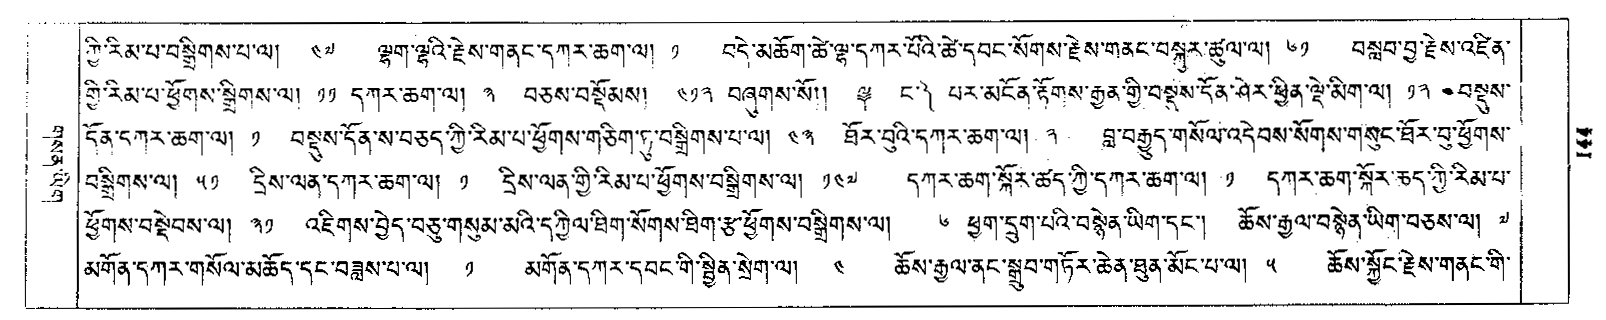ཀྱི་རིམ་པ་བསྒྲིགས་པ་ལ། ༤༧་ལྷག་ལྷའི་རྗེས་གནང་དཀར་ཆག་ལ། ༡་བདེ་མཆོག་ཚེ་ལྷ་དཀར་པོའི་ཚེ་དབང་སོགས་རྗེས་གནང་བསྐུར་ཚུལ་ལ། ༦༡་བསླབ་བྱ་རྗེས་འཛིན་
གྱི་རིམ་པ་ཕྱོགས་སྒྲིགས་ལ། ༡༡་དཀར་ཆག་ལ། ༣་བཅས་བསྡོམས། ༤༡༢་བཞུགས་སོ།། ༈ ང་པར་མངོན་རྟོགས་རྒྱན་གྱི་བསྡུས་དོན་ཤེར་ཕྱིན་ལྡེ་མིག་ལ། ༡༢་བསྡུས་
དོན་དཀར་ཆག་ལ། ༡་བསྡུས་དོན་ས་བཅད་ཀྱི་རིམ་པ་ཕྱོགས་གཅིག་ཏུ་བསྒྲིགས་པ་ལ། ༤༣་ཐོར་བུའི་དཀར་ཆག་ལ། ༢་བླ་བརྒྱུད་གསོལ་འདེབས་སོགས་གསུང་ཐོར་བུ་ཕྱོགས་
བསྒྲིགས་ལ། ༥༡་དྲིས་ལན་དཀར་ཆག་ལ། ༡་དྲིས་ལན་གྱི་རིམ་པ་ཕྱོགས་བསྒྲིགས་ལ། ༡༤༧་དཀར་ཆག་སྐོར་ཚད་ཀྱི་དཀར་ཆག་ལ། ༡་དཀར་ཆག་སྐོར་ཆད་ཀྱི་རིམ་པ་
ཕྱོགས་བསྡེབས་ལ། ༣༡་འཇིགས་བྱེད་བཅུ་གསུམ་མའི་དཀྱིལ་ཐིག་སོགས་ཐིག་རྩ་ཕྱོགས་བསྒྲིགས་ལ། ༦་ཕྱག་དྲུག་པའི་བསྙེན་ཡིག་དང་། ཆོས་རྒྱལ་བསྙེན་ཡིག་བཅས་ལ། ༧
མགོན་དཀར་གསོལ་མཆོད་དང་བཟླས་པ་ལ། ༡་མགོན་དཀར་དབང་གི་སྦྱིན་སྲེག་ལ། ༤་ཆོས་རྒྱལ་ནང་སྒྲུབ་གཏོར་ཆེན་ཐུན་མོང་པ་ལ། ༥་ཆོས་སྐྱོང་རྗེས་གནང་གི་